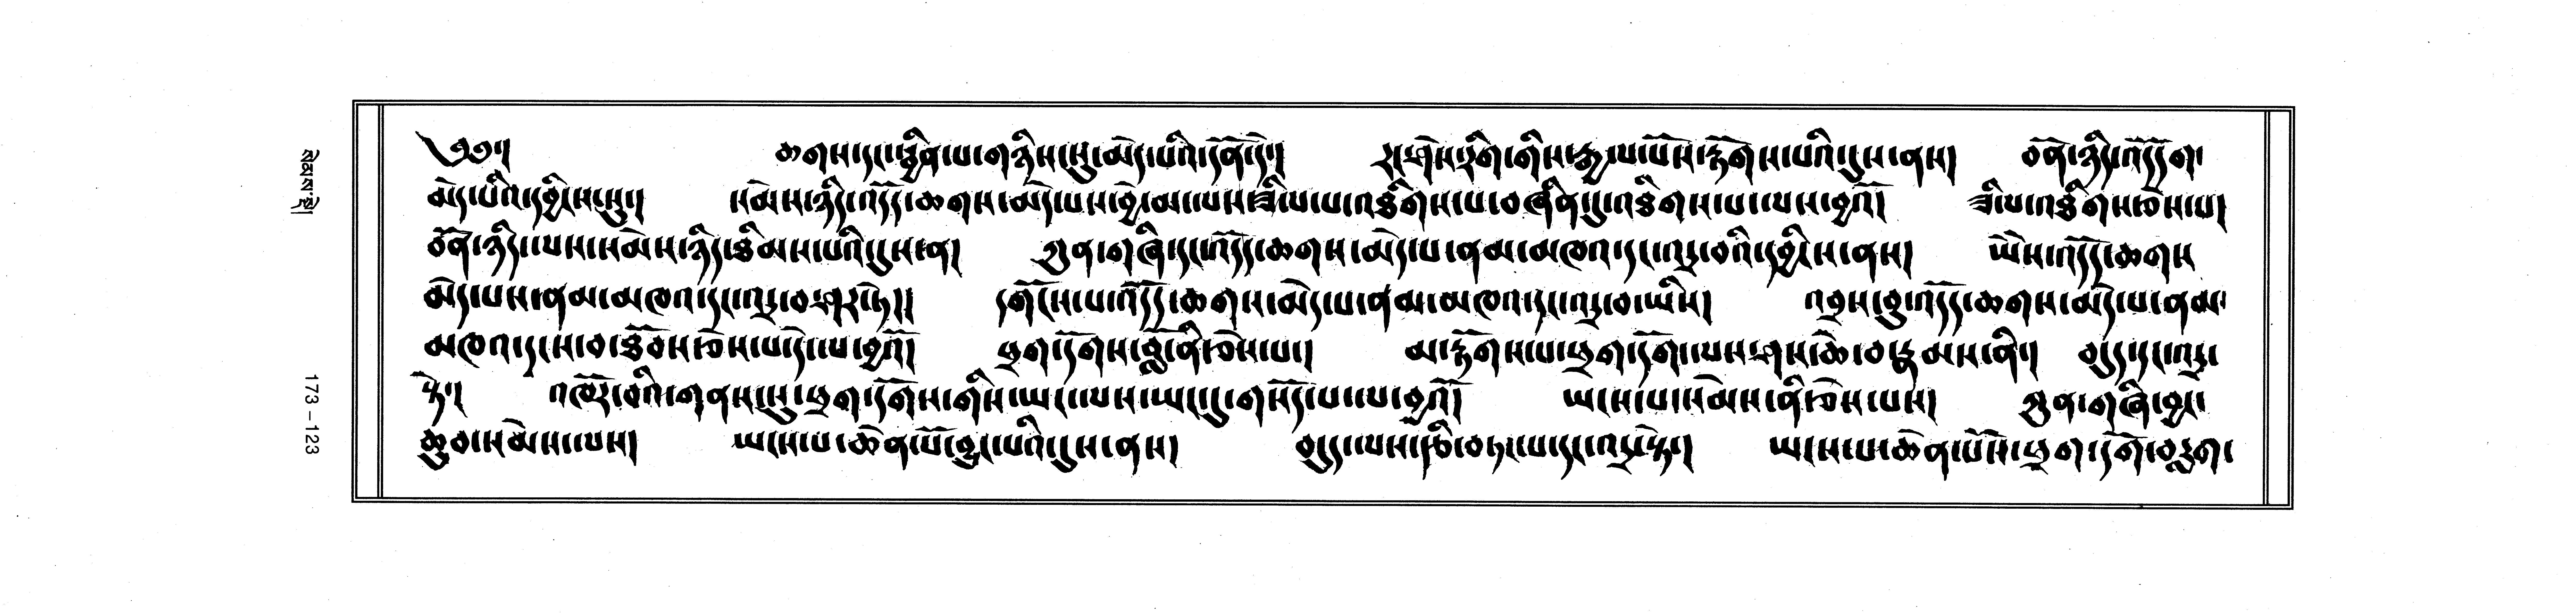ཆགས་དང་སྦྱིན་པ་གཉིས་སུ་མེད་པའི་དོན་དེ། རང་ཤེས་རིག་གི་རྒྱལ་པོས་རྟོགས་པའི་དུས་ན། བོན་ཉིད་འདོད་ཆགས་
མེད་པའི་དབྱིངས་སུ། སེམས་ཉིད་འདོད་ཆགས་མེད་པས་བྱེ་མ་ལས་ཟིལ་པ་ཐིགས་པ་བཞིན་དུ་འཐིགས་པར་བྱའོ། །ཟིལ་འཐིགས་ཅེས་པས། 
བོན་ཉིད་ལས་སེམས་ཉིད་འཐིམ་པའི་དུས་ན། ཀུན་གཞི་དང་འདོད་ཆགས་མེད་པ་ནམ་མཁའ་དང་འདྲ་བའི་དབྱིངས་ནས། ཡེ་ཤེས་འདོད་ཆགས་
མེད་པ་ནམ་མཁའ་དང་འདྲ་བ་ཤར་ཏེ། དགོངས་པ་འདོད་ཆགས་མེད་པ་ནམ་མཁའ་དང་འདྲ་བ་ཡིས། འབྲས་བུ་འདོད་ཆགས་མེད་པ་ནམ་
མཁའ་དང་འདྲ་བས་ཐོབ་ཅེས་པ་དེ་ལ་བྱའོ། །ཕྲག་དོག་བློ་ནི་ཅེས་པ། མ་རྟོགས་པ་ཕྲག་དོག་ལས་ཤས་ཆེ་བ་རྣམས་ནི། བདུད་དང་འདྲ་
སྟེ། འཁོར་བའི་གནས་སུ་ཕྲག་དོག་གིས་ཡང་ནས་ཡང་དུ་གསོད་པ་ལ་བྱའོ། །ཡངས་པ་སེམས་ནི་ཅེས་པས། ཀུན་གཞི་བྱང་
ཆུབ་ཀྱི་སེམས་ལས་ཡངས་པ་ཆེན་པོ་བྱུང་བའི་དུས་ནས། བདུད་ལ་རྩི་བཏང་བ་དང་འདྲ་སྟེ། ཡངས་པ་ཆེན་པོས་ཕྲག་དོག་བརླག་